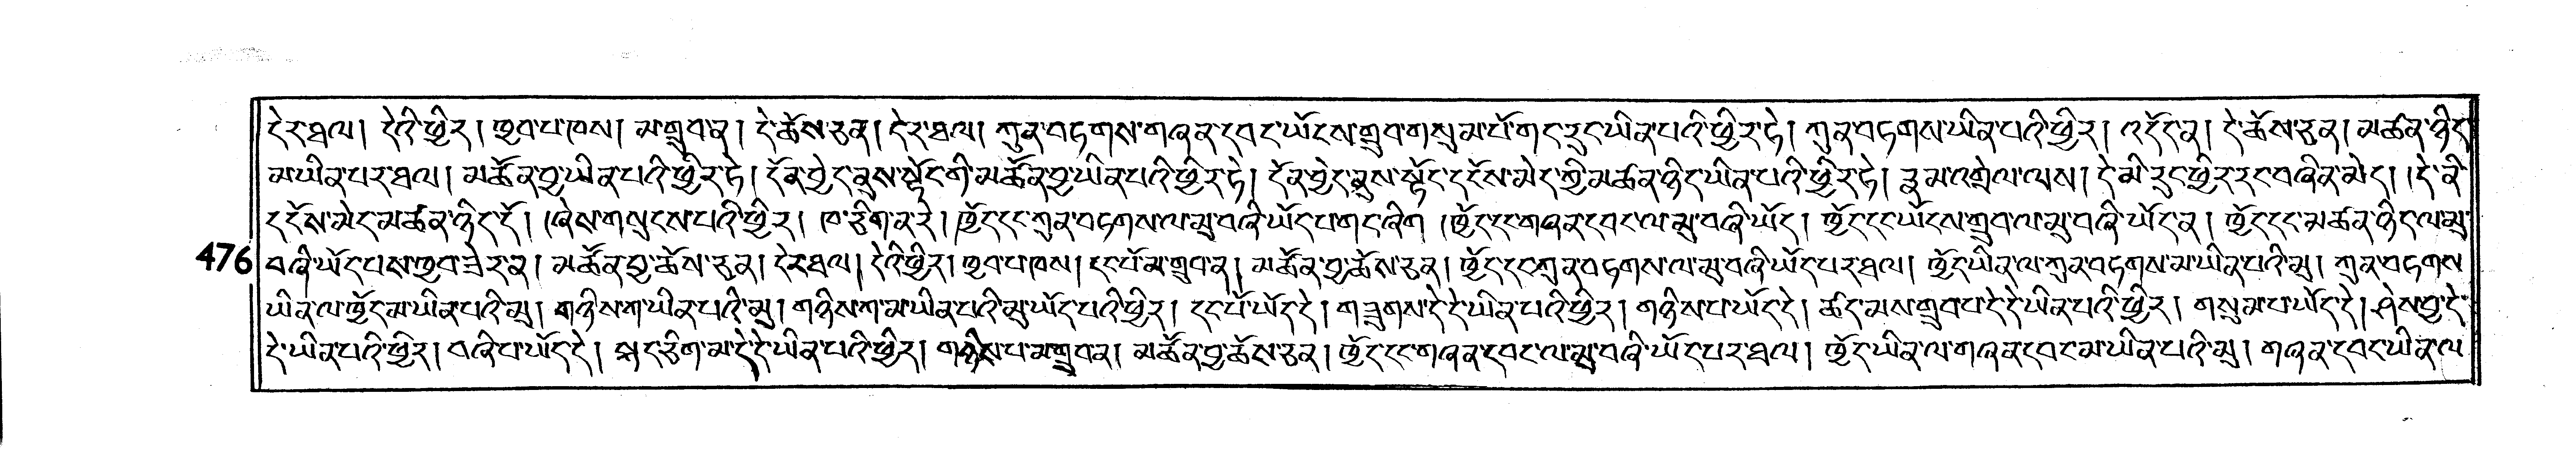དེར་ཐལ། དེའི་ཕྱིར། ཁྱབ་པ་ཁས། མ་གྲུབ་ན། དེ་ཆོས་ཅན། དེར་ཐལ། ཀུན་བཏགས་གཞན་དབང་ཡོངས་གྲུབ་གསུམ་པོ་གང་རུང་ཡིན་པའི་ཕྱིར་ཏེ། ཀུན་བཏགས་ཡིན་པའི་ཕྱིར། འདོད་ན། དེ་ཆོས་ཅན། མཚན་ཉིད་
མ་ཡིན་པར་ཐལ། མཚོན་བྱ་ཡིན་པའི་ཕྱིར་ཏེ། དོན་བྱེད་ནུས་སྟོང་གི་མཚོན་བྱ་ཡིན་པའི་ཕྱིར་ཏེ། དོན་བྱེད་ནུས་སྟོང་དངོས་མེད་ཀྱི་མཚན་ཉིད་ཡིན་པའི་ཕྱིར་ཏེ། རྣམ་འགྲེལ་ལས། དེ་མི་རུང་ཕྱིར་རང་བཞིན་མེད། །དེ་ནི་
དངོས་མེད་མཚན་ཉིད་དོ། །ཞེས་གསུངས་པའི་ཕྱིར། ཁ་ཅིག་ན་རེ། ཁྱོད་དང་ཀུན་བཏགས་ལ་མུ་བཞི་ཡོད་པ་གང་ཞིག །ཁྱོད་དང་གཞན་དབང་ལ་མུ་བཞི་ཡོད། ཁྱོད་དང་ཡོངས་གྲུབ་ལ་མུ་བཞི་ཡོད་ན། ཁྱོད་དང་མཚན་ཉིད་ལ་མུ་
བཞི་ཡོད་པས་ཁྱབ་ཟེར་ན། མཚོན་བྱ་ཆོས་ཅན། དེར་ཐལ། དེའི་ཕྱིར། ཁྱབ་པ་ཁས། དང་པོ་མ་གྲུབ་ན། མཚོན་བྱ་ཆོས་ཅན། ཁྱོད་དང་ཀུན་བཏགས་ལ་མུ་བཞི་ཡོད་པར་ཐལ། ཁྱོད་ཡིན་ལ་ཀུན་བཏགས་མ་ཡིན་པའི་མུ། ཀུན་བཏགས་
ཡིན་ལ་ཁྱོད་མ་ཡིན་པའི་མུ། གཉིས་ཀ་ཡིན་པའི་མུ། གཉིས་ཀ་མ་ཡིན་པའི་མུ་ཡོད་པའི་ཕྱིར། དང་པོ་ཡོད་དེ། གཟུགས་དེ་དེ་ཡིན་པའི་ཕྱིར། གཉིས་པ་ཡོད་དེ། ཚད་མས་གྲུབ་པ་དེ་དེ་ཡིན་པའི་ཕྱིར། གསུམ་པ་ཡོད་དེ། ཤེས་བྱ་དེ་
དེ་ཡིན་པའི་ཕྱིར། བཞི་པ་ཡོད་དེ། སྐད་ཅིག་མ་དེ་དེ་ཡིན་པའི་ཕྱིར། གཉིས་པ་མ་གྲུབ་ན། མཚོན་བྱ་ཆོས་ཅན། ཁྱོད་དང་གཞན་དབང་ལ་མུ་བཞི་ཡོད་པར་ཐལ། ཁྱོད་ཡིན་ལ་གཞན་དབང་མ་ཡིན་པའི་མུ། གཞན་དབང་ཡིན་ལ་